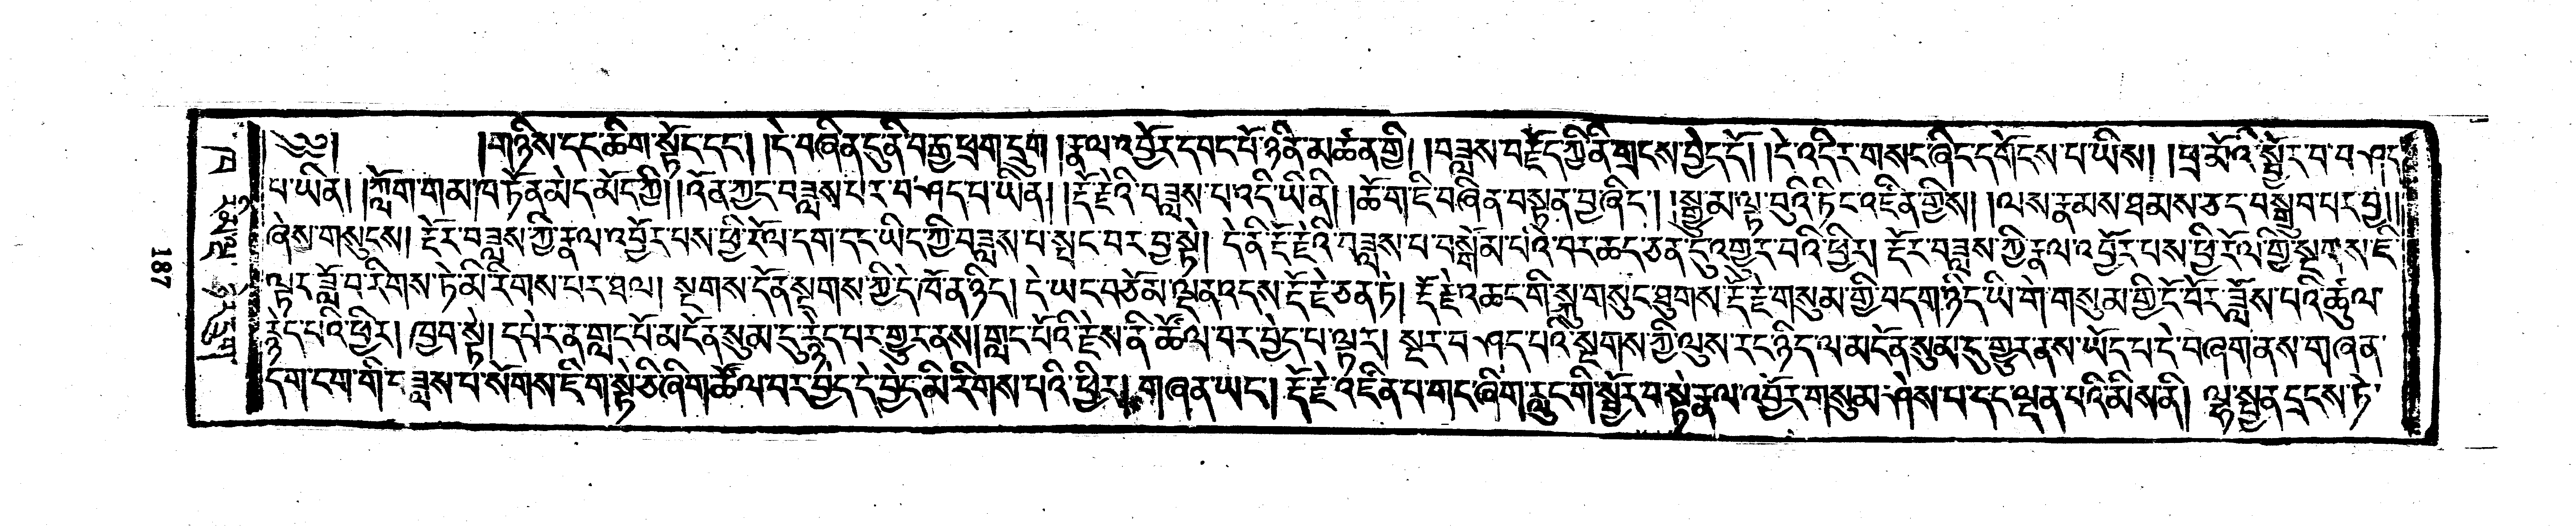༄༅། །གཉིས་དང་ཆིག་སྟོང་དང་། །དེ་བཞིན་དུ་ནི་བརྒྱ་ཕྲག་དྲུག །རྣལ་འབྱོར་དབང་པོ་ཉིན་མཚན་གྱི། །བཟླས་བརྗོད་ཀྱི་ནི་གྲངས་བྱེད་དོ། །དེ་འདིར་གསང་ཞིང་དགོངས་པ་ཡིས། །ཕྲ་མོའི་སྦྱོར་བ་བཤད་
པ་ཡིན། །ཀློག་གམ་ཁ་ཏོན་མེད་མོད་ཀྱི། །འོན་ཀྱང་བཟླས་པར་བཤད་པ་ཡིན། །རྡོ་རྗེའི་བཟླས་པ་འདི་ཡི་ནི། །ཆོ་ག་ཇི་བཞིན་བསྟན་བྱ་ཞིང་། །སྒྱུ་མ་ལྟ་བུའི་ཏིང་འཛིན་གྱིས། །ལས་རྣམས་ཐམས་ཅད་བསྒྲུབ་པར་བྱ། །
ཞེས་གསུངས། རྡོར་བཟླས་ཀྱི་རྣལ་འབྱོར་པས་ཕྱི་རོལ་དག་དང་ཡིད་ཀྱི་བཟླས་པ་སྤང་བར་བྱ་སྟེ། དེ་ནི་རྡོ་རྗེའི་བཟླས་པ་བསྒོམ་པའི་བར་ཆད་ཅན་དུ་འགྱུར་པའི་ཕྱིར། རྡོར་བཟླས་ཀྱི་རྣལ་འབྱོར་པས་ཕྱི་རོལ་གྱི་སྔགས་ཇི་
ལྟར་ཟློ་བ་རིགས་ཏེ་མི་རིགས་པར་ཐལ། སྔགས་དོན་སྔགས་ཀྱི་དེ་ཁོ་ན་ཉིད། དེ་ཡང་བཅོམ་ལྡན་འདས་རྡོ་རྗེ་ཅན་ཏེ། རྡོ་རྗེ་འཆང་གི་སྐུ་གསུང་ཐུགས་རྡོ་རྗེ་གསུམ་གྱི་བདག་ཉིད་ཡི་གེ་གསུམ་གྱི་ངོ་བོར་ཟློས་པའི་ཚུལ་
རྙེད་པའི་ཕྱིར། ཁྱབ་སྟེ། དཔེར་ན་གླང་པོ་མངོན་སུམ་དུ་རྙེད་པར་གྱུར་ནས། གླང་པོའི་རྗེས་ནི་ཚོལ་བར་བྱེད་པ་ལྟར། སྔར་བཤད་པའི་སྔགས་ཀྱི་ལུས་རང་ཉིད་ལ་མངོན་སུམ་དུ་གྱུར་ནས་ཡོད་པ་དེ་བཞག་ནས་གཞན་
དག་ངག་གི་བཟླས་པ་སོགས་ཇི་ག་སྟེ་ཅི་ཞིག་ཚོལ་བར་བྱེད་དེ་བྱེད་མི་རིགས་པའི་ཕྱིར། གཞན་ཡང་། རྡོ་རྗེ་འཛིན་པ་གང་ཞིག་རླུང་གི་སྦྱོར་བ་སྟེ་རྣལ་འབྱོར་གསུམ་ཤེས་པ་དང་ལྡན་པའི་མིས་ནི། ལྷ་སྤྱན་དྲངས་ཏེ་